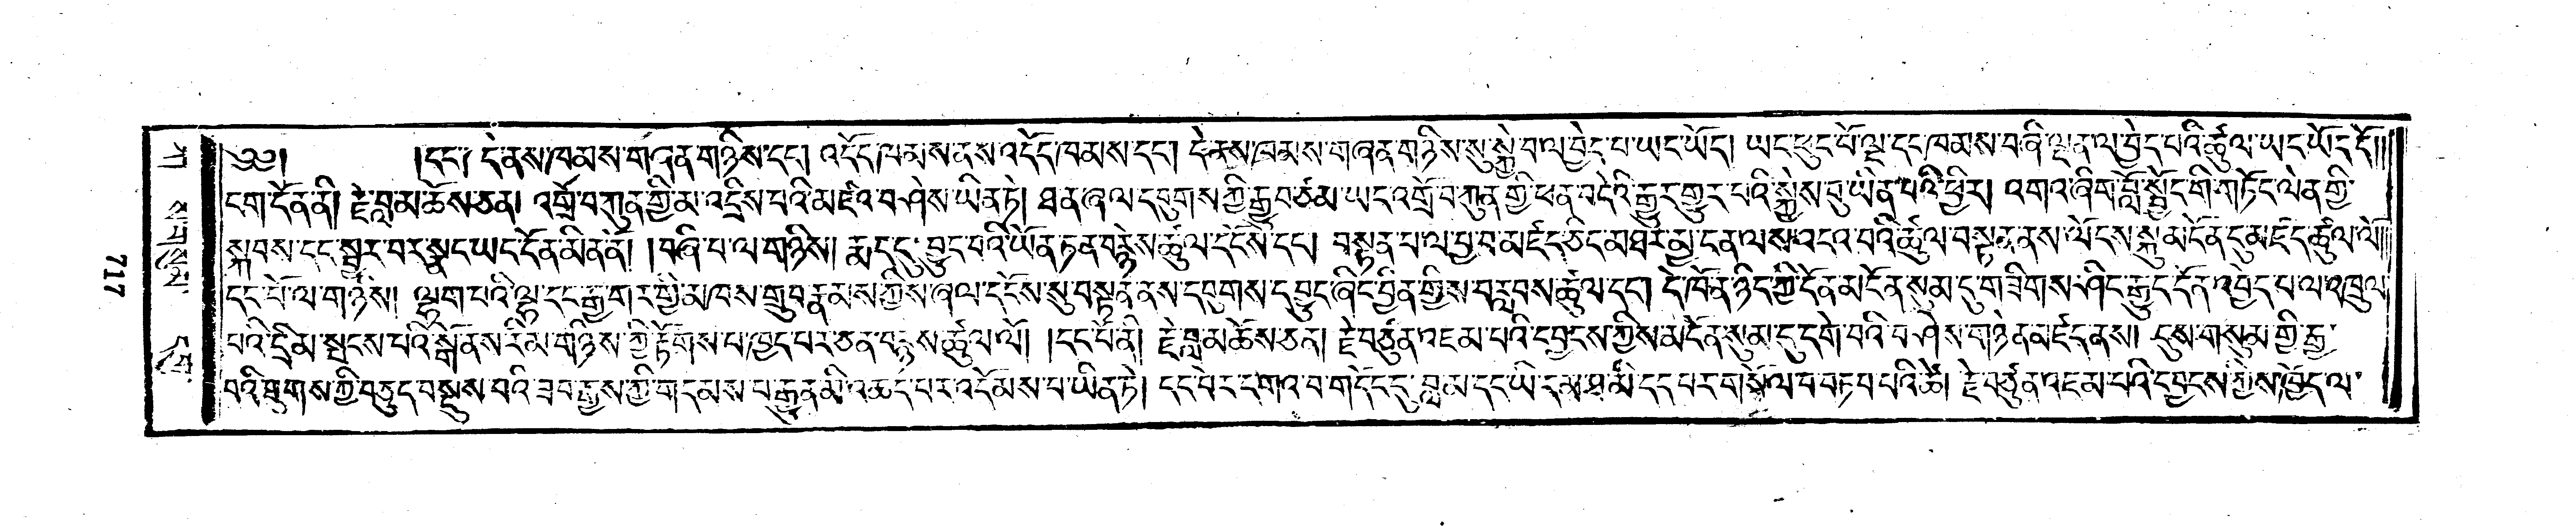༄༅། །དང༑ དེ་ནས་ཁམས་གཞན་གཉིས་དང་། འདོད་ཁམས་ནས་འདོད་ཁམས་དང་། དེ་ནས་ཁམས་གཞན་གཉིས་སུ་སྐྱེ་བ་ལ་བྱེད་པ་ཡང་ཡོད། ཡང་ཕུང་པོ་ལྔ་དང་ཁམས་བཞི་ལྡན་ལ་བྱེད་པའི་ཚུལ་ཡང་ཡོད་དོ། །
ངག་དོན་ནི། རྗེ་བླ་མ་ཆོས་ཅན། འགྲོ་བ་ཀུན་གྱི་མ་འདྲིས་པའི་མཛའ་བཤེས་ཡིན་ཏེ། ཐ་ན་ཞལ་དབུགས་ཀྱི་རྒྱུ་བ་ཙམ་ཡང་འགྲོ་བ་ཀུན་གྱི་ཕན་བདེའི་རྒྱུར་གྱུར་པའི་སྐྱེས་བུ་ཡིན་པའི་ཕྱིར། འགའ་ཞིག་བློ་སྦྱོང་གི་གཏོང་ལེན་གྱི་
སྐབས་དང་སྦྱར་བར་སྣང་ཡང་དོན་མིན་ནོ། །བཞི་པ་ལ་གཉིས། རྨད་དུ་བྱུང་བའི་ཡོན་ཏན་བརྙེས་ཚུལ་དངོས་དང་། བསྟན་པ་ལ་བྱ་བ་མཛད་ཅིང་མཐར་མྱ་ངན་ལས་འདའ་བའི་ཚུལ་བསྟན་ནས་ལོངས་སྐུ་མངོན་དུ་མཛད་ཚུལ་ལོ། །
དང་པོ་ལ་གཉིས། ལྷག་པའི་ལྷ་དང་རྒྱ་གར་གྱི་མཁས་གྲུབ་རྣམས་ཀྱིས་ཞལ་དངོས་སུ་བསྟན་ནས་དབུགས་དབྱུང་ཞིང་བྱིན་གྱིས་བརླབས་ཚུལ་དང་། དེ་ཁོ་ན་ཉིད་ཀྱི་དོན་མངོན་སུམ་དུ་གཟིགས་ཤིང་རྒྱུད་དོན་འབྱེད་པ་ལ་འཁྲུལ་
བའི་དྲི་མ་སྤངས་པའི་སྒོ་ནས་རིམ་གཉིས་ཀྱི་རྟོགས་པ་ཁྱད་པར་ཅན་བརྙེས་ཚུལ་ལོ། །དང་པོ་ནི། རྗེ་བླ་མ་ཆོས་ཅན། རྗེ་བཙུན་འཇམ་པའི་དབྱངས་ཀྱིས་མངོན་སུམ་དུ་དགེ་བའི་བཤེས་གཉེན་མཛད་ནས། དུས་གསུམ་གྱི་རྒྱལ་
བའི་ཐུགས་ཀྱི་བཅུད་བསྡུས་པའི་ཟབ་རྒྱས་ཀྱི་གདམས་པ་རྒྱུན་མི་འཆད་པར་འདོམས་པ་ཡིན་ཏེ། དང་པོར་དགའ་བ་གདོང་དུ་བླ་མ་དང་ཡི་དམ་ཐ་མི་དད་པར་གསོལ་བ་བཏབ་པའི་ཚེ། རྗེ་བཙུན་འཇམ་པའི་དབྱངས་ཀྱིས་ཁྱོད་ལ་